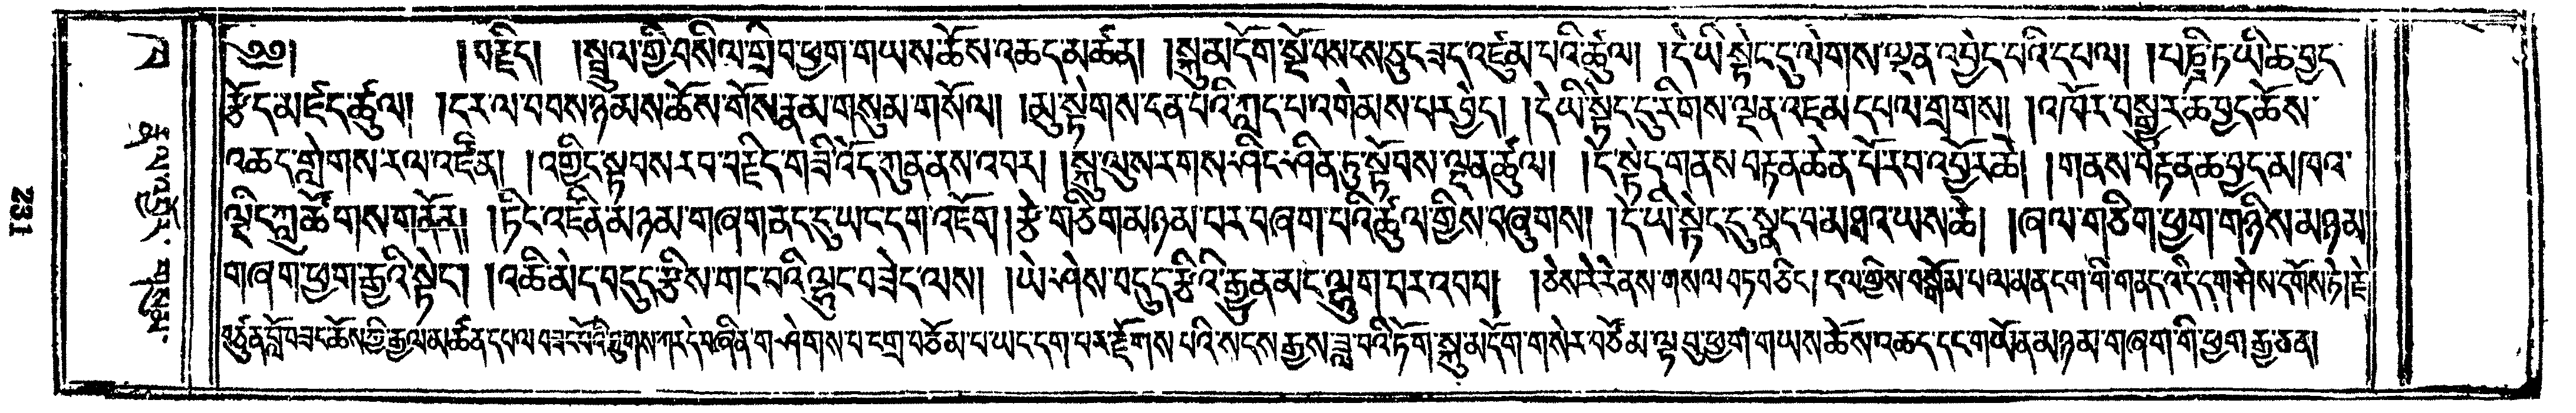༄༅། །བརྗིད། །སྦྲུལ་གྱི་བསིལ་གྲིབ་ཕྱག་གཡས་ཆོས་འཆད་མཚན། །སྐུ་མདོག་སྔོ་བསངས་ཅུང་ཟད་འཛུམ་པའི་ཚུལ། །དེ་ཡི་སྟེང་དུ་ལེགས་ལྡན་འབྱེད་པའི་དཔལ། །པཎྜི་ཏ་ཡི་ཆ་བྱད་
རྩོད་མཛད་ཚུལ། །དར་ལ་བབས་ཉམས་ཆོས་གོས་རྣམ་གསུམ་གསོལ། །མུ་སྟེགས་ངན་པའི་ཀླད་པ་འགེམས་པར་བྱེད། །དེ་ཡི་སྟེང་དུ་རིགས་ལྡན་འཇམ་དཔལ་གྲགས། །འཁོར་བསྒྱུར་ཆ་བྱད་ཆོས་
འཆད་གླེགས་རལ་འཛིན། །འགྱིང་སྟབས་རབ་བརྗིད་གཟི་འོད་ཀུན་ནས་འབར། །སྐུ་ལུས་རགས་ཤིང་ཤིན་ཏུ་སྟོབས་ལྡན་ཚུལ། །དེ་སྟེད་གནས་བརྟན་ཆེན་པོ་རབ་འབྱོར་ཆེ། །གནས་བརྟན་ཆ་བྱད་མཁའ་
ལྡིང་ཀླུ་ཚོགས་གནོན། །ཏིང་འཛིན་མཉམ་གཞག་ནང་དུ་ཡང་དག་འཇོག །རྩེ་གཅིག་མཉམ་པར་བཞག་པའི་ཚུལ་གྱིས་བཞུགས། །དེ་ཡི་སྟེང་དུ་སྣང་བ་མཐའ་ཡས་ཆེ། །ཞལ་གཅིག་ཕྱག་གཉིས་མཉམ་
གཞག་ཕྱག་རྒྱའི་སྟེང་། །འཆི་མེད་བདུད་རྩིས་གང་བའི་ལྷུང་བཟེད་ལས། །ཡེ་ཤེས་བདུད་རྩིའི་རྒྱུན་མང་ལྷུག་པར་འབབ། །ཅེས་རེ་རེ་ནས་གསལ་བཏབ་ཅིང་། དལ་གྱིས་བསྒོམ་པ་ལ་མན་ངག་གི་གནད་འདི་དག་ཤེས་དགོས་ཏེ། རྗེ་
བཙུན་བློ་བཟང་ཆོས་ཀྱི་རྒྱལ་མཚན་དཔལ་བཟང་པོའི་ཐུགས་ཀར་དེ་བཞིན་གཤེགས་པ་དགྲ་བཅོམ་པ་ཡང་དག་པར་རྫོགས་པའི་སངས་རྒྱས་ཟླ་བའི་ཏོག་སྐུ་མདོག་གསེར་བཙོམ་ལྟ་བུ་ཕྱག་གཡས་ཆོས་འཆད་དང་གཡོན་མཉམ་གཞག་གི་ཕྱག་རྒྱ་ཅན།